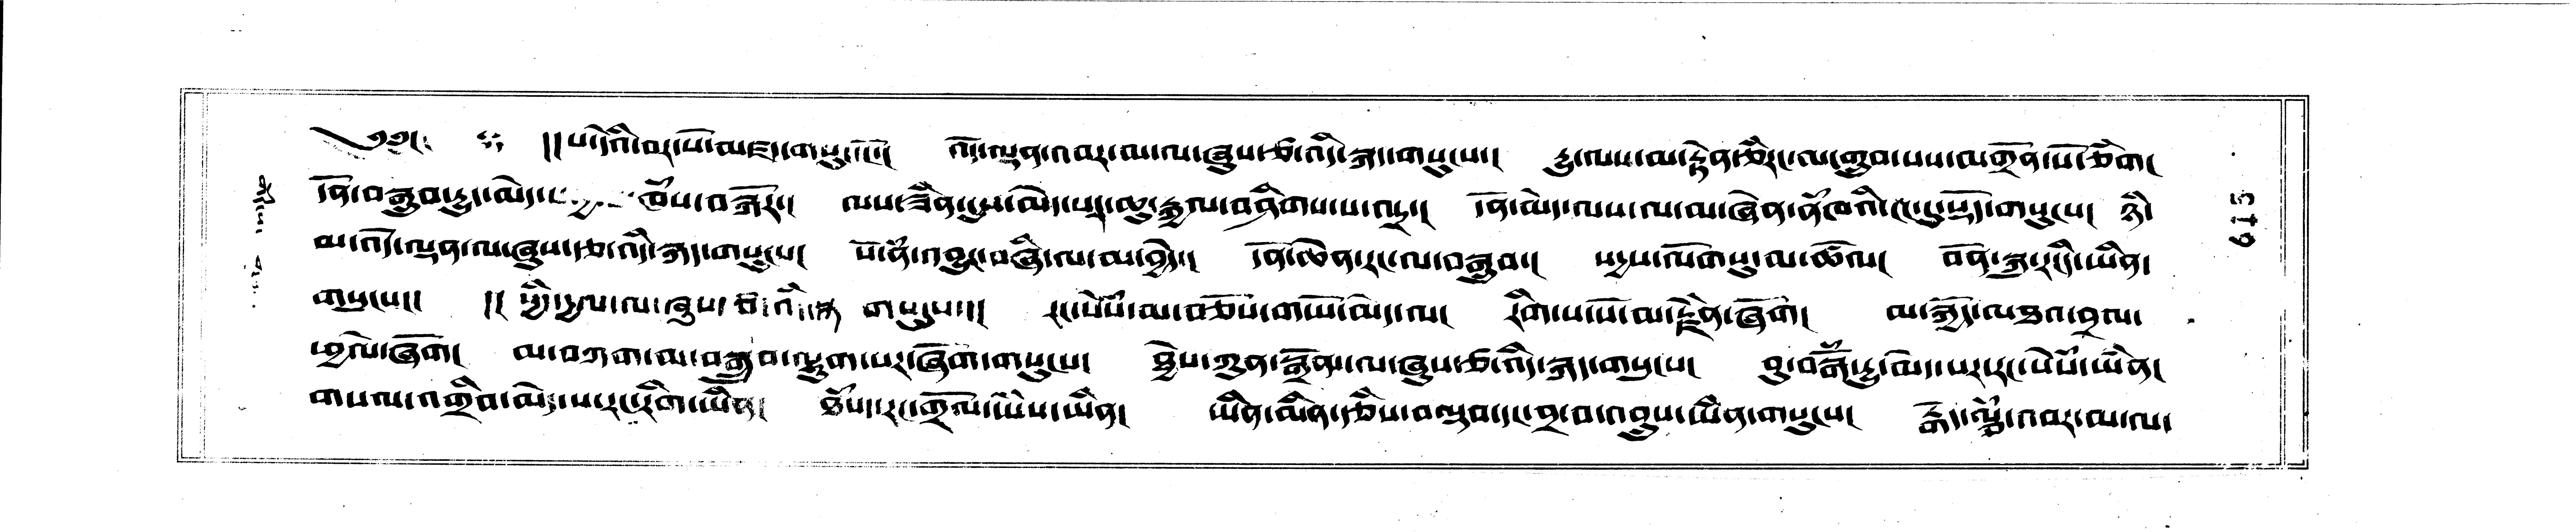ན་དེའི་བར་ས་མཛོད་གསུངས། འོད་ལྡན་འབར་མ་ལ་ཞུས་པ། འདི་སྐད་གསུངས། རྒྱུ་ལས་མ་བརྟེན་ཅིར་ཡང་མ་གྲུབ་པའི་མགྲོན་པོ་གཅིག 
དོན་བསྒྲུབ་རྒྱུ་མེད་པར་རྒྱལ་ཁམས་སྐོར། ལས་ཟིན་དུས་མེད་པར་ཆུ་རྐྱལ་བཤིག་པ་འདྲ། དོན་མེད་ལས་ལ་མ་ཞེན་ནམ་མཁའི་ངང་དུ་སྡོད་གསུངས། ཉི་
མ་འོད་ལྡན་ལ་ཞུས་ཙ། འདི་སྐད་གསུངས། སོ་ནམ་འབྱུང་བཞི་ལ་མ་བྱེད་དོན་ཆེན་རང་ལ་སྒྲུབས། སངས་རྒྱས་ལོགས་སུ་མ་ཚོལ་བོན་སྐུ་རང་ཉིད་ཡིན་
གསུངས། སྲིད་རྒྱལ་ལ་ཞུས་ཙ་འདི་སྐད་གསུངས། རང་སེམས་མ་བཅོས་གཡོ་མེད་ལ། རིག་པ་སོ་མ་རྗེན་ནེ་ཞོག མི་སྤྱོད་མཐའ་བྲལ
་སལེ་ཞོག མ་བཀག་མ་བསྒྲུབ་ལྷུག་པར་ཞོག་གསུངས། ཐུགས་རྗེ་ཀུན་གྲོལ་ལ་ཞུས་ཙ་འདི་སྐད་གསུངས། བུ་སྒོམས་རྒྱུ་མེད་པ་རང་སེམས་ཡིན། 
གསལ་སྒྲིབ་མེད་པ་རང་རིག་ཡིན། ཐམས་ཅད་རང་གྲོལ་ཡེ་ཤེས་ཡིན། ཡིན་མེད་རྩིས་བརྡབ་དང་བྲལ་ན་འབྲས་བུ་ཡིན་གསུངས། རྒོད་ལྕམ་འབར་མ་ལ་